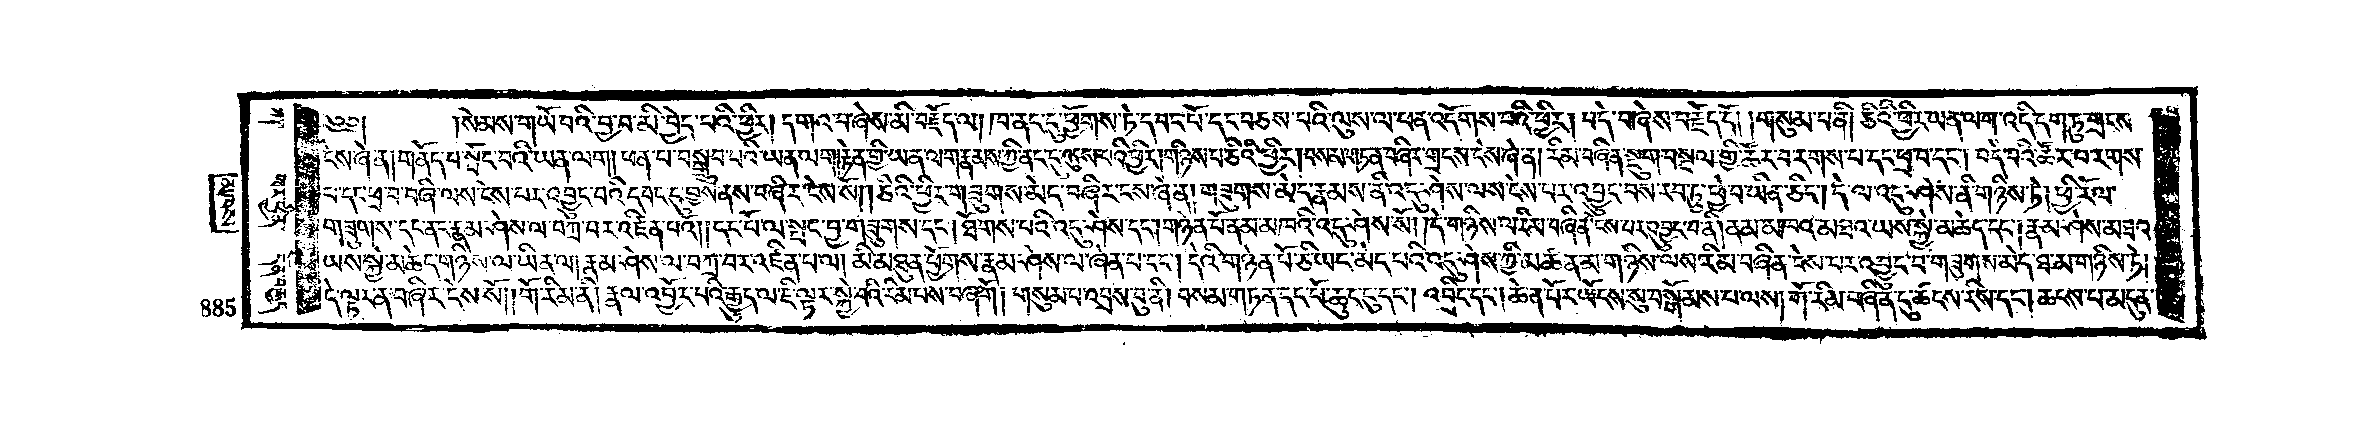༄༅། །སེམས་གཡོ་བའི་བྱ་བ་མི་བྱེད་པའི་ཕྱིར། དགའ་བ་ཞེས་མི་བརྗོད་ལ། ཁ་ནང་དུ་ཕྱོགས་ཏེ་དབང་པོ་དང་བཅས་པའི་ལུས་ལ་ཕན་འདོགས་པའི་ཕྱིར། བདེ་བ་ཞེས་བརྗོད་དོ། །གསུམ་པ་ནི། ཅིའི་ཕྱིར་ཡན་ལག་འདི་དག་ཏུ་གྲངས་
ངེས་ཞེ་ན། གནོད་པ་སྤོང་བའི་ཡན་ལག །ཕན་པ་བསྒྲུབ་པའི་ཡན་ལག། རྟེན་གྱི་ཡན་ལག་རྣམས་ཀྱི་ནང་དུ་འདུས་པའི་ཕྱིར། གཉིས་པ་ཅིའི་ཕྱིར། བསམ་གཏན་བཞིར་གྲངས་ངེས་ཞེ་ན། རིམ་བཞིན་སྡུག་བསྔལ་གྱི་ཚོར་བ་རགས་པ་དང་ཕྲ་བ་དང་། བདེ་པའི་ཚོར་བ་རགས་
པ་དང་ཕྲ་བ་བཞི་ལས་ངེས་པར་འབྱུང་བའི་དབང་དུ་བྱས་ནས་བཞིར་ངེས་སོ། །དེའི་ཕྱིར་གཟུགས་མེད་བཞིར་ངས་ཞི་ན། གཟུགས་མེད་རྣམས་ནི་འདུ་ཤེས་ལས་ངེས་པར་འབྱུང་བས་རབ་ཏུ་ཕྱེ་བ་ཡིན་ཅིང་། དེ་ལ་འདུ་ཤེས་ནི་གཉེས་ཏེ། ཕྱིར་རོལ་
གཟུགས་དང་ནང་རྣམ་ཤེས་ལ་བཀྲ་བར་འཛིན་པའོ། །དང་པོ་ལ་སྤང་བྱ་གཟུགས་དང་། ཐོགས་པའི་འདུ་ཤེས་དང་། གཉེན་པོ་ནམ་མཁའི་འདུ་ཤེས་སོ། །དེ་གཉིས་ལ་རིམ་བཞིན་ངེས་པར་འབྱུང་བ་ནི། ནམ་མཁའི་མཐའ་ཡས་སྐྱེ་མཆེད་དང་། རྣམ་ཤེས་མཐའ་
ཡས་སྐྱེ་མཆེད་གཉིས་ལ་ཡིན་ལ། རྣམ་ཤེས་ལ་བཀྲ་བར་འཛིན་པ་ལ། མི་མཐུན་ཕྱོགས་རྣམ་ཤེས་ལ་ཞེན་པ་དང་། དེའི་གཉེན་པོ་ཅི་ཡང་མེད་པའི་འདུ་ཤེས་ཀྱི་མཚན་མ་གཉིས་ལས་རིམ་བཞིན་ངེས་པར་འབྱུང་བ་གཟུགས་མེད་ཐ་མ་གཉིས་ཏེ།
དེ་ལྟར་ན་བཞིར་ངེས་སོ། །གོ་རིམ་ནི། རྣལ་འབྱོར་བའི་རྒྱུད་ལ་ཇི་ལྟར་སྐྱེ་བའི་རིམ་པས་བཞག་གོ། །གསུམ་པ་འབྲས་བུ་ནི། བསམ་གཏན་དང་པོ་ཆུང་ངུ་དང་། འབྲིང་དང་། ཆེན་པོར་ཡོངས་སུ་བསྒོམས་པ་ལས། གོ་རིམ་བཞིན་དུ་ཚངས་རིས་དང་། ཚངས་པ་མདུན་